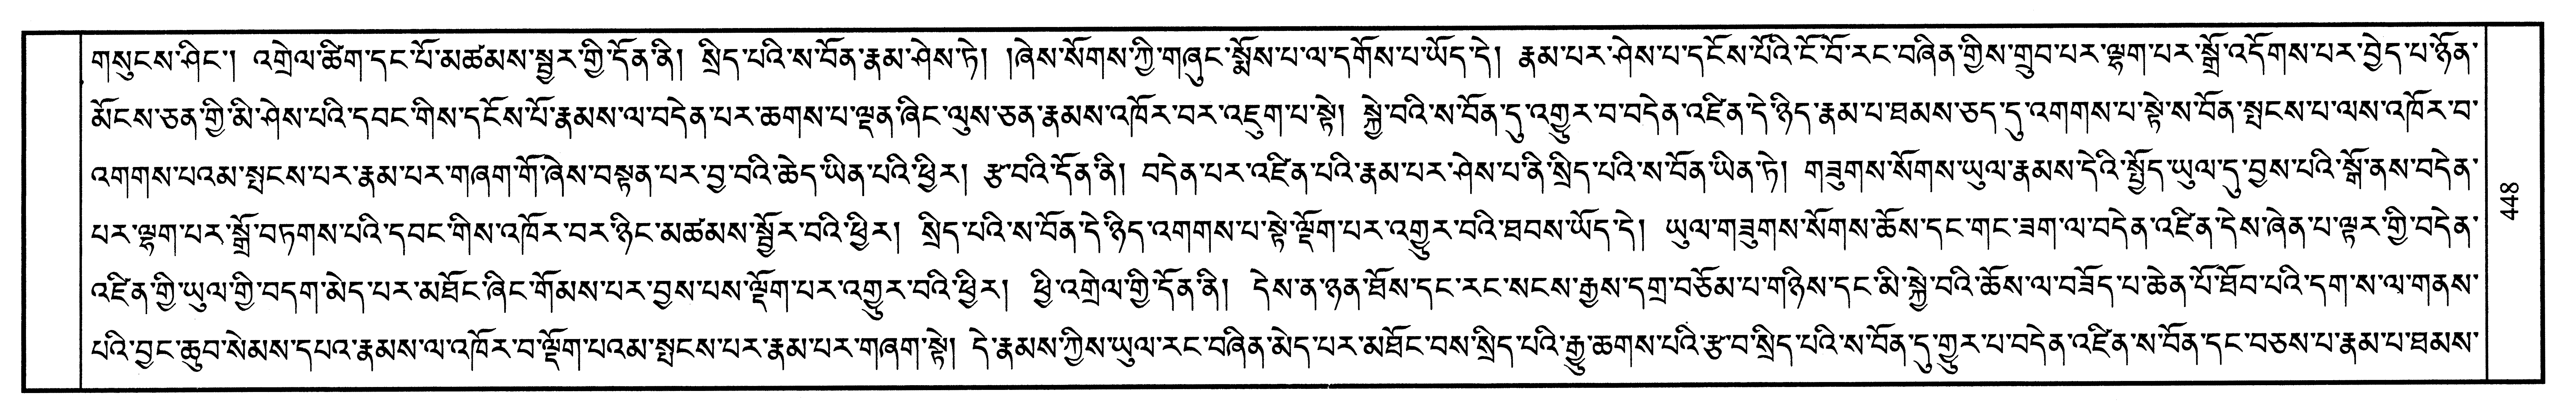གསུངས་ཤིང་། འགྲེལ་ཚིག་དང་པོ་མཚམས་སྦྱར་གྱི་དོན་ནི། སྲིད་པའི་ས་བོན་རྣམ་ཤེས་ཏེ། །ཞེས་སོགས་ཀྱི་གཞུང་སྨོས་པ་ལ་དགོས་པ་ཡོད་དེ། རྣམ་པར་ཤེས་པ་དངོས་པོའི་ངོ་བོ་རང་བཞིན་གྱིས་གྲུབ་པར་ལྷག་པར་སྒྲོ་འདོགས་པར་བྱེད་པ་ཉོན་
མོངས་ཅན་གྱི་མི་ཤེས་པའི་དབང་གིས་དངོས་པོ་རྣམས་ལ་བདེན་པར་ཆགས་པ་ལྡན་ཞིང་ལུས་ཅན་རྣམས་འཁོར་བར་འཇུག་པ་སྟེ། སྐྱེ་བའི་ས་བོན་དུ་འགྱུར་བ་བདེན་འཛིན་དེ་ཉིད་རྣམ་པ་ཐམས་ཅད་དུ་འགགས་པ་སེ་ས་བོན་སྤངས་པ་ལས་འཁོར་བ་
འགགས་པའམ་སྤངས་པར་རྣམ་པར་གཞག་གོ་ཞེས་བསྟན་པར་བྱ་བའི་ཆེད་ཡིན་པའི་ཕྱིར། རྩ་བའི་དོན་ནི། བདེན་པར་འཛིན་པའི་རྣམ་པར་ཤེས་པ་ནི་སྲིད་པའི་ས་བོན་ཡིན་ཏེ། གཟུགས་སོགས་ཡུལ་རྣམས་དེའི་སྤྱོད་ཡུལ་དུ་བྱས་པའི་སྒོ་ནས་བདེན་
པར་ལྷག་པར་སྒྲོ་བཏགས་པའི་དབང་གིས་འཁོར་བར་ཉིང་མཚམས་སྦྱོར་བའི་ཕྱིར། སྲིད་པའི་ས་བོན་དེ་ཉིད་འགགས་པ་སྟེ་ལྡོག་པར་འགྱུར་བའི་ཐབས་ཡོད་དེ། ཡུལ་གཟུགས་སོགས་ཆོས་དང་གང་ཟག་ལ་བདེན་འཛིན་དེས་ཞེན་པ་ལྟར་གྱི་བདེན་
འཛིན་གྱི་ཡུལ་གྱི་བདག་མེད་པར་མཐོང་ཞིང་གོམས་པར་བྱས་པས་ལྡོག་པར་འགྱུར་བའི་ཕྱིར། ཕྱི་འགྲེལ་གྱི་དོན་ནི། དེས་ན་ཉན་ཐོས་དང་རང་སངས་རྒྱས་དགྲ་བཅོམ་པ་གཉིས་དང་མི་སྐྱེ་བའི་ཆོས་ལ་བཟོད་པ་ཆེན་པོ་ཐོབ་པའི་དག་ས་ལ་གནས་
པའི་བྱང་ཆུབ་སེམས་དཔའ་རྣམས་ལ་འཁོར་བ་ལྡོག་པའམ་སྤངས་པར་རྣམ་པར་གཞག་སྟེ། དེ་རྣམས་ཀྱིས་ཡུལ་རང་བཞིན་མེད་པར་མཐོང་བས་སྲིད་པའི་རྒྱུ་ཆགས་པའི་རྩ་བ་སྲིད་པའི་ས་བོན་དུ་གྱུར་པ་བདེན་འཛིན་ས་བོན་དང་བཅས་པ་རྣམ་པ་ཐམས་